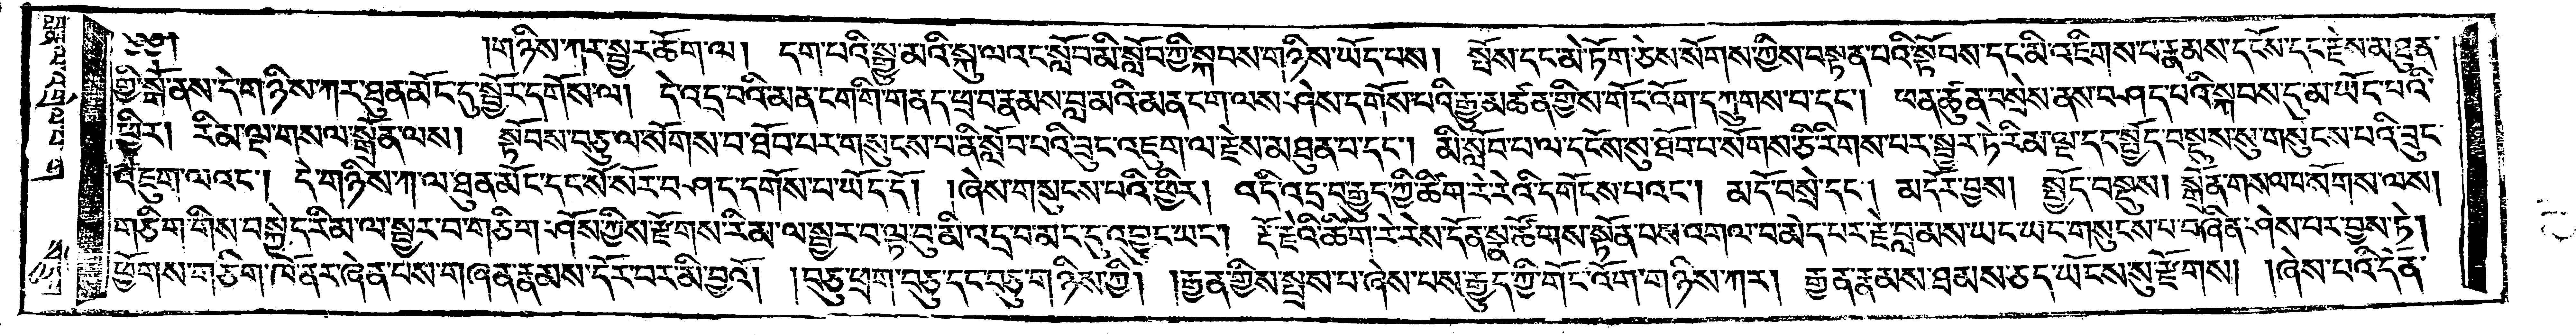༄༅། །གཉིས་ཀར་སྦྱར་ཆོག་ལ། དག་པའི་སྒྱུ་མའི་སྐུ་ལའང་སློབ་མི་སློབ་ཀྱི་སྐབས་གཉིས་ཡོད་པས། སྤོས་དང་མེ་ཏོག་ཅེས་སོགས་ཀྱིས་བསྟན་པའི་སྟོབས་དང་མི་འཇིགས་པ་རྣམས་དངོས་དང་རྗེས་མཐུན་
གྱི་སྒོ་ནས་དེ་གཉིས་ཀར་ཐུན་མོང་དུ་སྦྱོར་དགོས་ལ། དེ་འདྲ་བའི་མན་ངག་གི་གནད་ཕྲ་བ་རྣམས་བླ་མའི་མན་ངག་ལས་ཤེས་དགོས་པའི་རྒྱུ་མཚན་གྱིས་གོང་འོག་དཀྲུགས་པ་དང་། ཕན་ཚུན་བསྲེས་ནས་བཤད་པའི་སྐབས་དུ་མ་ཡོད་པའི་
ཕྱིར། རིམ་ལྔ་གསལ་སྒྲོན་ལས། སྟོབས་བཅུ་ལ་སོགས་པ་ཐོབ་པར་གསུངས་པ་ནི་སློབ་པའི་ཟུང་འཇུག་ལ་རྗེས་མཐུན་པ་དང་། མི་སློབ་པ་ལ་དངོས་སུ་ཐོབ་པ་སོགས་ཅི་རིགས་པར་སྦྱར་ཏེ་རིམ་ལྔ་དང་སྤྱོད་བསྡུས་སུ་གསུངས་པའི་ཟུང་
འཇུག་ལའང་། དེ་གཉིས་ཀ་ལ་ཐུན་མོང་དང་སོ་སོར་བཤད་དགོས་པ་ཡོད་དོ། །ཞེས་གསུངས་པའི་ཕྱིར། འདི་འདྲ་བརྒྱུད་ཀྱི་ཚིག་རེ་རེའི་དགོངས་པའང་། མདོ་བསྲེ་དང་། མདོར་བྱས། སྤྱོད་བསྡུས། སྒྲོན་གསལ་བ་སོགས་ལས།
གཅིག་གིས་བསྐྱེད་རིམ་ལ་སྦྱར་པ་གཅིག་ཤོས་ཀྱིས་རྫོགས་རིམ་ལ་སྦྱར་བ་ལྟ་བུ་མི་འདྲ་བ་མང་དུ་འབྱུང་ཡང་། རྡོ་རྗེའི་ཚིག་རེ་རེས་དོན་སྣ་ཚོགས་སྟོན་པས་འགལ་བ་མེད་པར་རྗེ་བླ་མས་ཡང་ཡང་གསུངས་པ་བཞིན་ཤེས་པར་བྱས་ཏེ།
ཕྱོགས་གཅིག་ཁོ་ནར་ཞེན་པས་གཞན་རྣམས་དོར་བར་མི་བྱའོ། །བཅུ་ཕྲག་བཅུ་དང་བཅུ་གཉིས་ཀྱི། །རྒྱན་གྱིས་སྤྲས་པ་ཞེས་པས་རྒྱུད་ཀྱི་གོང་འོག་གཉིས་ཀར། རྒྱན་རྣམས་ཐམས་ཅད་ཡོངས་སུ་རྫོགས། །ཞེས་པའི་དོན་